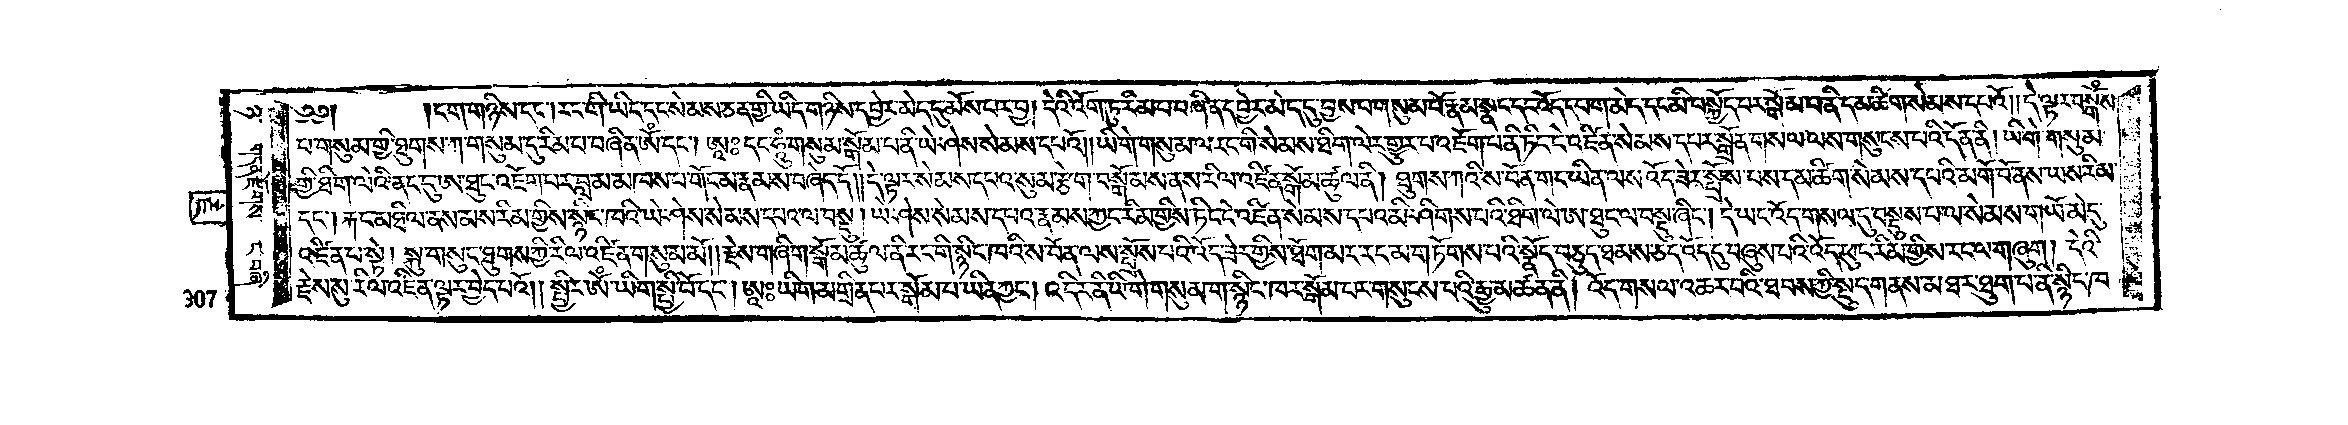༄༅། །ངག་གཉིས་དང་། རང་གི་ཡིད་དང་སེམས་ཅན་གྱི་ཡིད་གཉིས་དབྱེར་མེད་དུ་མོས་པར་བྱ། དེའི་འོག་ཏུ་རིམ་པ་བཞིན་དབྱེར་མེད་དུ་བྱས་པ་གསུམ་པོ་རྣམ་སྣང་དང་འོད་དཔག་མེད་དང་མི་བསྐྱོད་པར་སྒོམ་པ་ནི་དམ་ཚིག་སེམས་དཔའོ། །དེ་ལྟར་བསྒོམས་
པ་གསུམ་གྱི་ཐུགས་ཀ་གསུམ་དུ་རིམ་པ་བཞིན་ཨོཾ་དང་། ཨཱཿ དང་ཧཱུཾ་གསུམ་སྒོམ་པ་ནི་ཡེ་ཤེས་སེམས་དཔའོ། །ཡི་གེ་གསུམ་ལ་རང་གི་སེམས་ཐིག་ལེར་གྱུར་པ་འཇོག་པ་ནི་ཏིང་ངེ་འཛིན་སེམས་དཔར་སྒྲོན་གསལ་ལས་གསུངས་པའི་དོན་ནི། ཡི་གེ་གསུམ་
གྱི་ཐིག་ལེའི་ནང་དུ་ཨ་ཐུང་འཇོག་པར་བླ་མ་མཁས་པ་གོང་མ་རྣམས་བཞེད་དོ། །དེ་ལྟར་སེམས་དཔའ་སུམ་རྩེག་བསྒོམས་ནས་རིལ་འཛིན་སྒོམ་ཚུལ་ནི། ཐུགས་ཀའི་ས་བོན་གང་ཡིན་ལས་འོད་ཟེར་སྤྲོས་པས་དམ་ཚིག་སེམས་དཔའི་མགོ་བོ་ནས་ཡས་རིམ་
དང་། རྐང་མཐིལ་ནས་མས་རིམ་གྱིས་སྙིང་ཁའི་ཡེ་ཤེས་སེམས་དཔའ་ལ་བསྡུ། ཡེ་ཤེས་སེམས་དཔའ་རྣམས་ཀྱང་རིམ་གྱིས་ཏིང་ངེ་འཛིན་སེམས་དཔའ་མི་ཤིགས་པའི་ཐིག་ལེ་ཨ་ཐུང་ལ་བསྡུ་ཞིང་། དེ་ཡང་འོད་གསལ་དུ་བསྡུས་པ་ལ་སེམས་གཡོ་མེད་དུ་
འཛིན་པ་སྟེ། སྐུ་གསུང་ཐུགས་ཀྱི་རིལ་འཛིན་གསུམ་མོ། །རྗེས་གཞིག་སྒོམ་ཚུལ་ནི་རང་གི་སྙིང་ཁའི་ས་བོན་ལས་སྤྲོས་པའི་འོད་ཟེར་གྱིས་ཐོག་མར་རང་མ་གཏོགས་པའི་སྣོད་བཅུད་ཐམས་ཅད་འོད་དུ་བཞུས་པའི་འོད་ཕུང་རིམ་གྱིས་རང་ལ་གཞུག །དེའི་
རྗེས་སུ་རིལ་འཛིན་ལྟར་བྱེད་པའོ། །སྤྱིར་ཨོཾ་ཡིག་སྤྱི་བོ་དང་། ཨཱཿ ཡིག་མགྲིན་པར་སྒོམ་པ་ཡིན་ཀྱང་། འདིར་ནི་ཡི་གེ་གསུམ་ག་སྙིང་ཁར་སྒོམ་པར་གསུངས་པའི་རྒྱུ་མཚན་ནི། འོད་གསལ་འཆར་བའི་ཐབས་ཀྱི་སྡུད་གནས་མཐར་ཐུག་པ་ནི་སྙིང་ཁ་